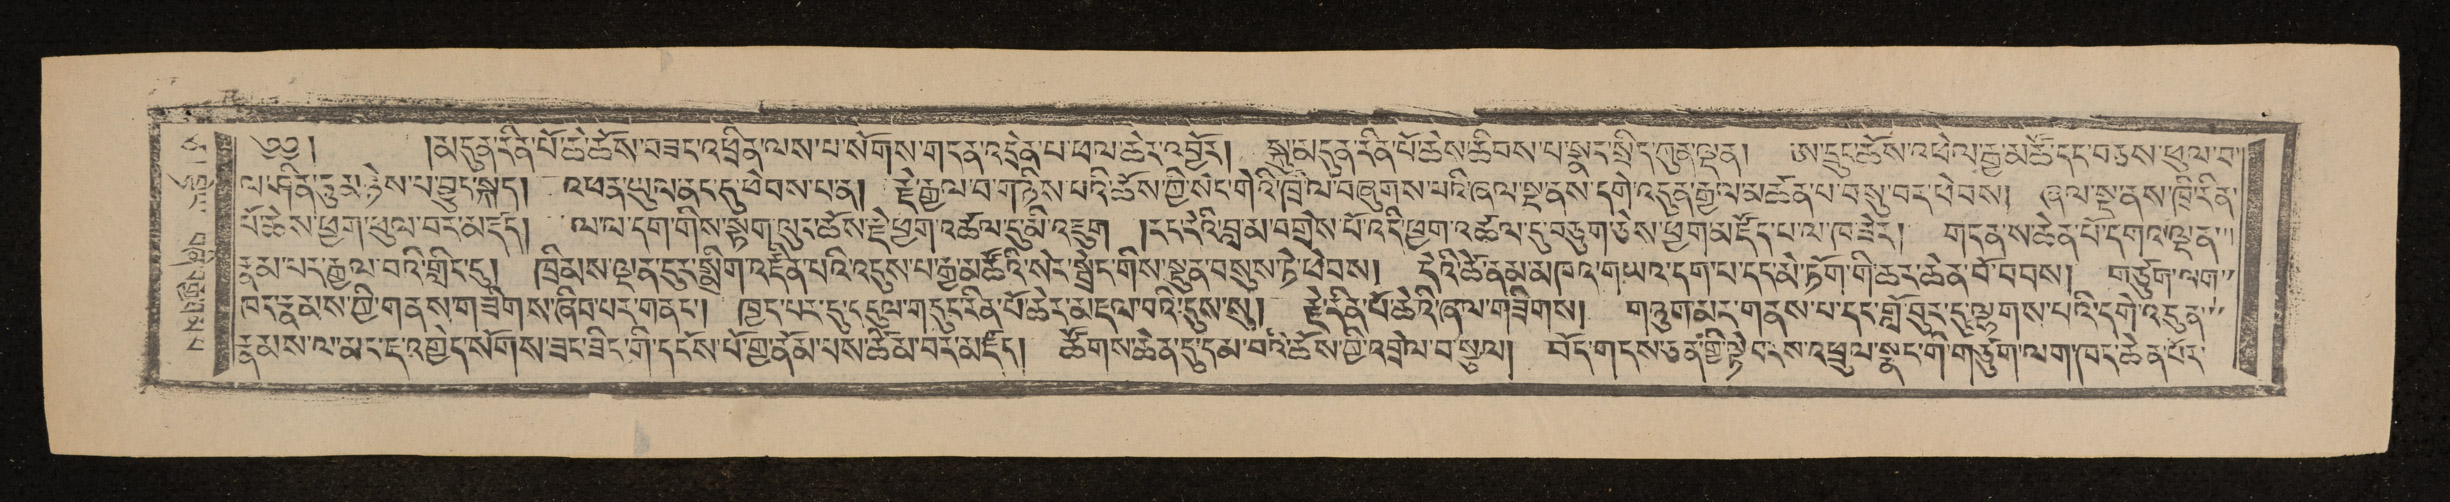༄༅། །མདུན་རིན་པོ་ཆེ་ཆོས་བཟང་འཕྲིན་ལས་པ་སོགས་གདན་འདྲེན་པ་ཕལ་ཆེར་འབྱོར། སྐུ་མདུན་རིན་པོ་ཆེས་ཆིབས་པ་སྣང་སྲིད་ཀུན་ལྡན། ཨ་དྲུང་ཆོས་འཕེལ་རྒྱ་མཚོ་དང་བཅས་ཕུལ་བ་
ལ་ཤིན་ཏུ་མཉེས་པ་བྱུང་སྐད། འཕན་ཡུལ་ནང་དུ་ཕེབས་པ་ན། རྗེ་རྒྱལ་བ་གཉིས་པའི་ཆོས་ཀྱི་སེང་གེའི་ཁྲི་ལ་བཞུགས་པའི་ཞལ་སྔ་ནས་དགེ་འདུན་རྒྱལ་མཚན་པ་བསུ་བར་ཕེབས། ཞལ་སྔ་ནས་ཁྲི་རིན་
པོ་ཆེས་ཕྱག་ཕུལ་བར་མཛད། ལ་ལ་དག་གིས་སྟག་ལུང་ཆོས་རྗེ་ཕྱག་འཚལ་དུ་མི་འཇུག །རང་རེའི་བླ་མ་བགྲེས་པོ་འདི་ཕྱག་འཚལ་དུ་བཅུག་ཅེས་ཕྱག་མཛོད་པ་ལ་ཁ་ཟེར། གདན་ས་ཆེན་པོ་དགའ་ལྡན་
རྣམ་པར་རྒྱལ་བའི་གླིང་དུ། ཁྲིམས་ལྡན་ངུར་སྨྲིག་འཛིན་པའི་འདུས་པ་རྒྱ་མཚོའི་སེར་སྦྲེང་གིས་སྡུན་བསུས་ཏེ་ཕེབས། དེའི་ཚེ་ནམ་མཁའ་གཡའ་དག་པ་དང་མེ་ཏོག་གི་ཆར་ཆེན་པོ་བབས། གཙུག་ལག་
ཁང་རྣམས་ཀྱི་གནས་གཟིགས་ཞིབ་པར་གནང་། ཁྱད་པར་དུ་དངུལ་གདུང་རིན་པོ་ཆེར་མཇལ་བའི་དུས་སུ། རྗེ་རིན་པོ་ཆེའི་ཞལ་གཟིགས། གཉུག་མར་གནས་པ་དང་གློ་བུར་དུ་ལྷགས་པའི་དགེ་འདུན་
རྣམས་ལ་མང་ཇ་འགྱེད་སོགས་ཟང་ཟིང་གི་དངོས་པོ་གྱ་ནོམ་པས་ཚིམ་པར་མཛད། ཚོགས་ཆེན་དུ་དམ་པའི་ཆོས་ཀྱི་འབྲེལ་པ་སྩལ། བོད་གངས་ཅན་གྱི་ལྟེ་བ་རས་འཕྲུལ་སྣང་གི་གཙུག་ལག་ཁང་ཆེན་པོར་